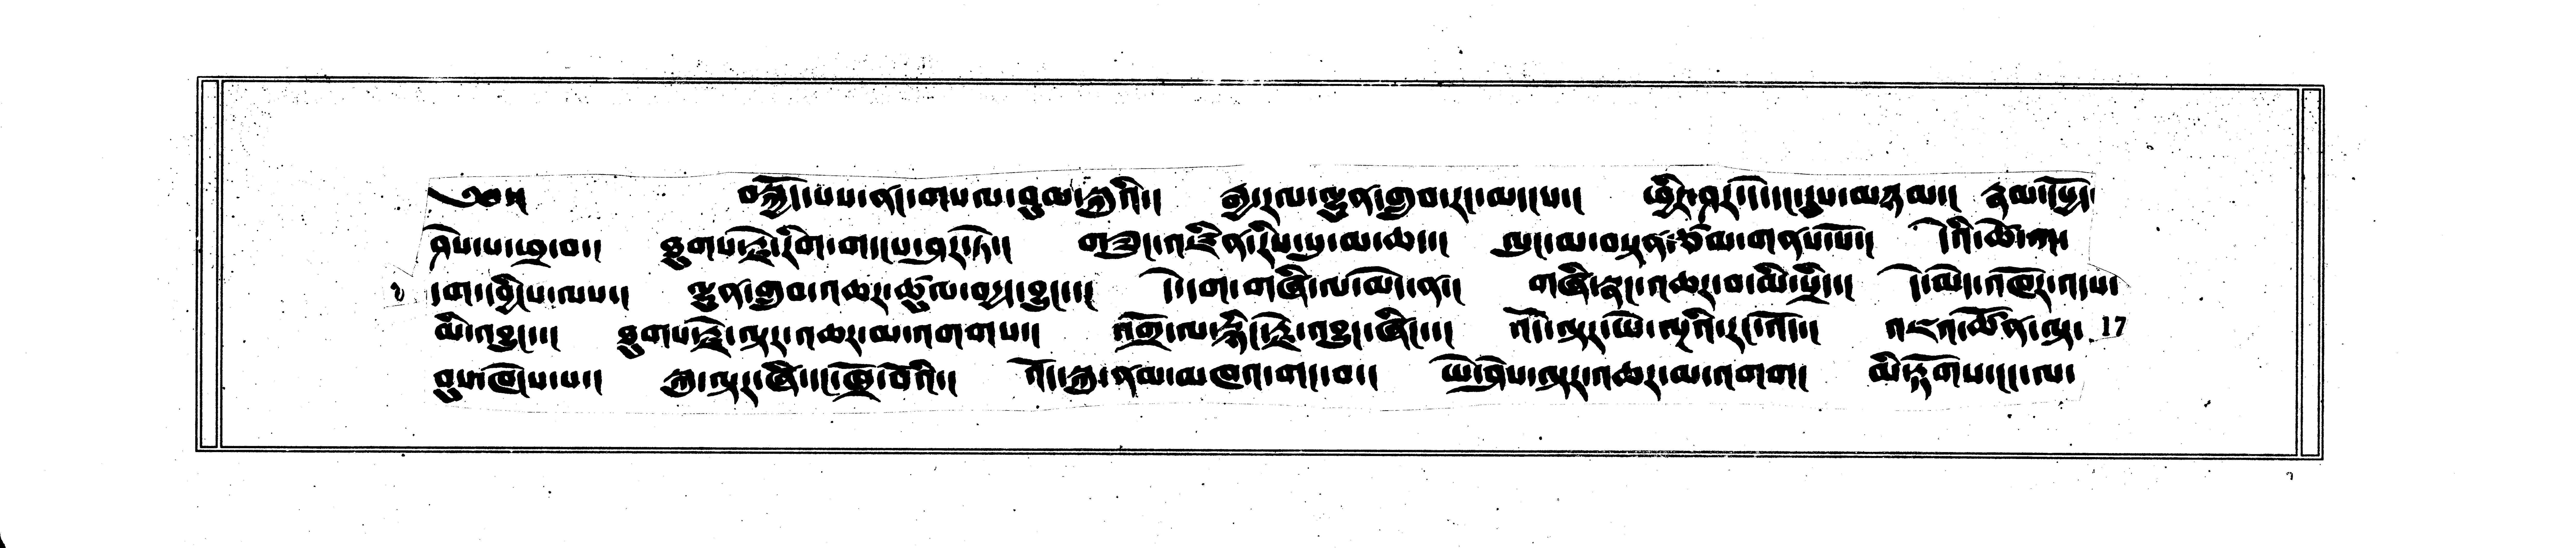བསྐྱོད་པས་ནང་གསལ་བུམ་སྐུའི། །རྒྱ་རལ་ལྷུན་གྲུབ་རང་མདངས། །ཕྱིར་ཤར་དེ་དང་དུས་མཉམ། །རྣམ་དཔྱོད་
ཤེས་པ་ཕྲ་བ། །ཐུགས་རྗེ་རིག་གདངས་ཤར་ཏེ། །གཟུང་འཛིན་རིས་སུ་མ་ཆད། །ལུང་མ་བསྟན་ཙམ་གནས་སོ། །དེ་ཚེ་ཀ་
དག་དབྱིངས་ལས། །ལྷུན་གྲུབ་འཆར་ཚུལ་བརྒྱད་བྱུང་། །དེ་དག་གཞི་ལ་མེད་ན། །གཞི་སྣང་འཆར་བ་མི་སྲིད། །དེ་མེད་འཁོར་འདས་
མི་འབྱུང་། །ཐུགས་རྗེ་ལྟར་འཆར་མ་འགག །འགྲོ་ལ་སྙིང་རྗེ་འབྱུང་ཞིང་། །འོད་ལྟར་ཡེ་ལྔའི་རང་འོད། །འཇའ་ཚོན་ལྟ་
བུས་ཁེངས་པ། །སྐུ་ལྟར་ཞི་དང་ཁྲོ་བོའི། །འོད་སྐུ་ནམ་མཁའ་གང་བ། །ཡེ་ཤེས་ལྟར་འཆར་མ་འགག །མི་རྟོག་ངང་ལ་